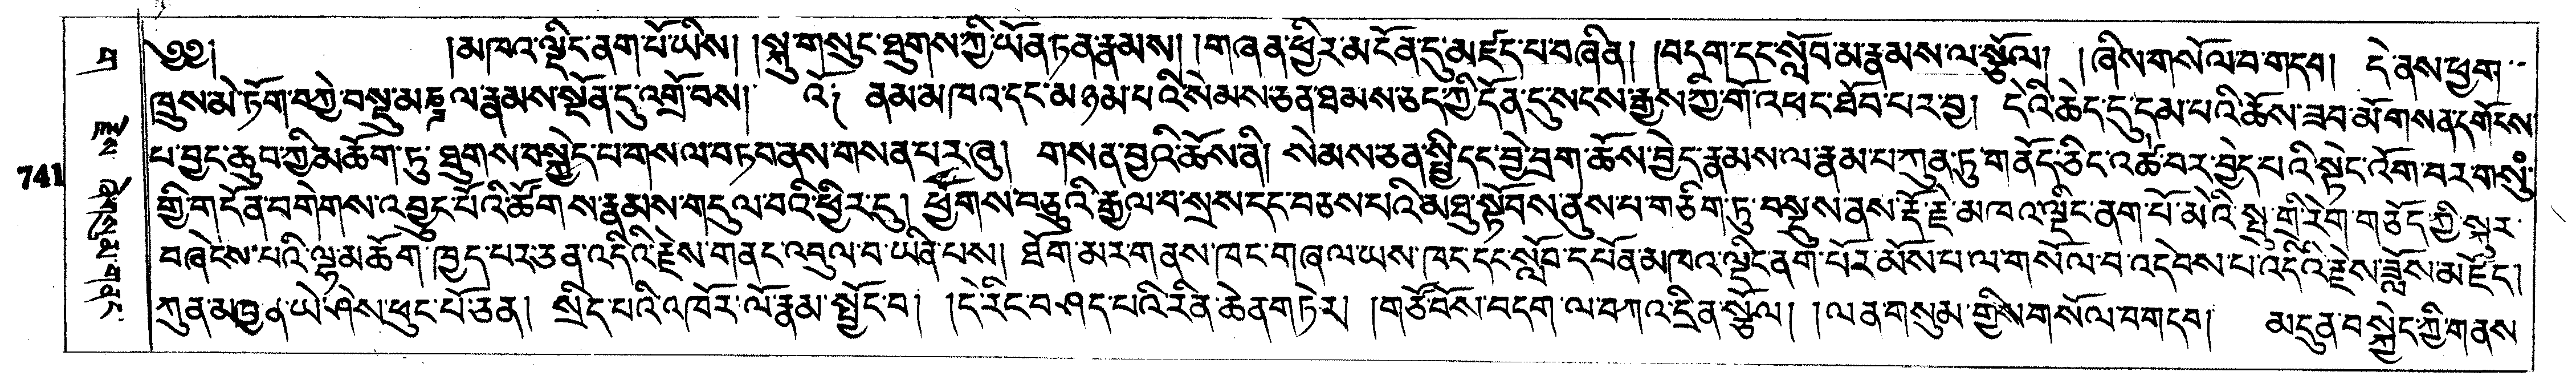༄༅། །མཁའ་ལྡིང་ནག་པོ་ཡིས། །སྐུ་གསུང་ཐུགས་ཀྱི་ཡོན་ཏན་རྣམས། །གཞན་ཕྱིར་མངོན་དུ་མཛད་པ་བཞིན། །བདག་དང་སློབ་མ་རྣམས་ལ་སྩོལ། །ཞིས་གསོལ་བ་གདབ། དེ་ནས་ཕྱག་
ཁྲུས་མེ་ཏོག་བཀྱེ་བསྡུ་མཎྜལ་རྣམས་སྔོན་དུ་འགྲོ་བས། འོ༑ ནམ་མཁའ་དང་མཉམ་པའི་སེམས་ཅན་ཐམས་ཅད་ཀྱི་དོན་དུ་སངས་རྒྱས་ཀྱི་གོ་འཕང་ཐོབ་པར་བྱ། དེའི་ཆེད་དུ་དམ་པའི་ཆོས་ཟབ་མོ་གསན་དགོངས་
པ་བྱང་ཆུབ་ཀྱི་མཆོག་ཏུ་ཐུགས་བསྐྱེད་པ་གསལ་བཏབ་ནས་གསན་པར་ཞུ། གསན་བྱའི་ཆོས་ནི། སེམས་ཅན་སྤྱི་དང་བྱེ་བྲག་ཆོས་བྱེད་རྣམས་ལ་རྣམ་པ་ཀུན་ཏུ་གནོད་ཅིང་འཚེ་བར་བྱེད་པའི་སྟེང་འོག་བར་གསུམ་
གྱི་གདོན་བགེགས་འབྱུང་པོའི་ཚོགས་རྣམས་གདུལ་བའི་ཕྱིར་དུ། ཕྱོགས་བཅུའི་རྒྱལ་བ་སྲས་དང་བཅས་པའི་མཐུ་སྟོབས་ནུས་པ་གཅིག་ཏུ་བསྡུས་ནས་རྡོ་རྗེ་མཁའ་ལྡིང་ནག་པོ་མེའི་སྤུ་གྲི་རེག་གཅོད་ཀྱི་སྐུར་
བཞེངས་པའི་ལྷ་མཆོག་ཁྱད་པར་ཅན་འདིའི་རྗེས་གནང་འབུལ་བ་ཡིན་པས། ཐོག་མར་གནས་ཁང་གཞལ་ཡས་ཁང་དང་སློབ་དཔོན་མཁའ་ལྡིང་ནག་པོར་མོས་པ་ལ་གསོལ་བ་འདེབས་པ་འདིའི་རྗེས་ཟློས་མཛོད།
ཀུན་མཁྱེན་ཡེ་ཤེས་ཕུང་པོ་ཅན། སྲིད་པའི་འཁོར་ལོ་རྣམ་སྤྱོང་བ། །དེ་རིང་བཤད་པའི་རིན་ཆེན་གཏེར། །གཙོ་བོས་བདག་ལ་བཀའ་དྲིན་སྩོལ། །ལན་གསུམ་གྱིས་གསོལ་བ་གདབ། མདུན་བསྐྱེད་ཀྱི་གནས་